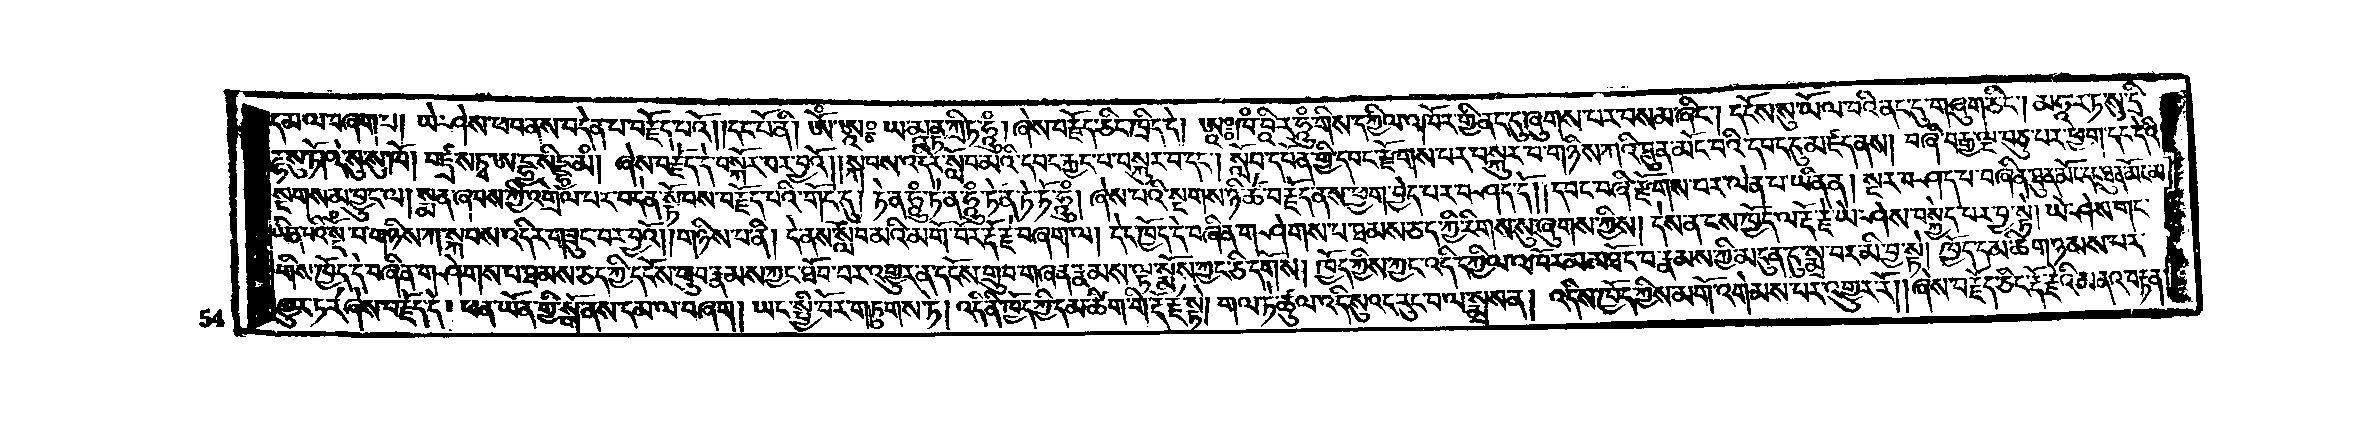དམ་ལ་བཞག་པ། ཡེ་ཤེས་ཕབ་ནས་བདེན་པ་བརྗོད་པའོ། །དང་པོ་ནི། །ཨོཾ་ཨཱཿ ཡ་མཱནྟ?་ཀྲིཏ་ཧཱུཾ། ཞེས་བརྗོད་ཅིང་ཁྲིད་དེ། ཨཱཿ ཁཾ་བཱི་ར་ཧཱུཾ་གིས་སྐྱིལ་འཁོར་གྱི་ནང་དུ་ཞུགས་པར་བསམ་ཞིང་། དངོས་སུ་ཡོལ་བའི་ནང་དུ་གཞུག་ཅིང་། མྷཱར་ཏ་སུ་དྲི་
ཌྷ་སུ་ཏོ་ཥེ་སུ་སུ་ཁོ། བཛྲ་ས་ཏVཨ་ཨ་དྷྱ་སིངདྷྱ?་མཾ། ཞེས་བརྗོད་དེ་བསྐོར་བར་བྱའོ། །སྐབས་འདིར་སློབ་མའི་དབང་རྐྱང་པ་བསྐུར་བ་དང་། སློབ་དཔོན་གྱི་དབང་རྫོགས་པར་བསྐུར་བ་གཉིས་ཀའི་ཐུན་མོང་བའི་དབང་དུ་མཛས་ནས། བཞི་བརྒྱ་ལྔ་བཅུ་པར་ཕྱག་དང་དེའི་
སྔགས་མ་བྱུང་ལ། སྨན་ཞབས་ཀྱི་འགྲེལ་པར་བདེན་སྟོབས་བརྗོད་པའི་གོང་དུ། ཏེ་ན་ཧཱུཾ་ཏེ་ན་ཧཱུཾ་ཏེ་ན་ཏེ་ཧཱུཾ། ཞེས་པའི་སྔགས་ཉི་ཚེ་བརྗོད་ནས་ཕྱག་བྱེད་པར་བཤད་དོ། །དབང་བཞི་རྫོགས་པར་ལེན་པ་ཡིན་ན། སྔར་བཤད་པ་བཞིན་ཐུན་མོང་དང་ཐུན་མོང་མ་
ཡིན་པའི་སྡོམ་པ་གཉིས་ཀ་སྐབས་འདིར་གཟུང་བར་བྱའོ། །གཉིས་པ་ནི། དེ་ནས་སློབ་མའི་མགོ་བོར་རྡོ་རྗེ་བཞག་ལ། དེང་ཁྱོད་དེ་བཞིན་གཤེགས་ཨ་ཐམས་ཅད་ཀྱི་རིགས་སུ་ཞུགས་ཀྱིས། དེས་ན་ངས་ཁྱོད་ལ་རྡོ་རྗེ་ཡེ་ཤེས་བསྐྱེད་པར་བྱ་སྟེ། ཡེ་ཤེས་གང་
གིས་ཁྱོད་དེ་བཞིན་གཤེགས་པ་ཐམས་ཅད་ཀྱི་དངོས་གྲུབ་རྣམས་ཀྱང་ཐོབ་བར་འགྱུར་ན་དངོས་གྲུབ་གཞན་རྣམས་ལྟ་སྨོས་ཀྱང་ཅི་དགོས། ཁྱོད་ཀྱིས་ཀྱང་འདི་དཀྱིལ་འཁོར་མ་མཐོང་བ་རྣམས་ཀྱི་མདུན་དུ་སྨྲ་བར་མི་བྱ་སྟེ། ཁྱོད་དམ་ཚིག་ཉམས་པར་
གྱུར་ཏེར་ཞེས་བརྗོད་དེ་ཕན་ཡོན་གྱི་སྒོ་ནས་དམ་ལ་བཞག། ཡང་སྤྱི་བོར་གཏུགས་ཏེ། འདི་ནི་ཁྱོད་ཀྱི་དམ་ཚིག་གི་རྡོ་རྗེ་སྟེ། གལ་ཏེ་ཚུལ་འདི་སུའང་རུང་བ་ལ་སྨྲས་ན། འདིས་ཁྱོད་ཀྱིས་མགོ་འགེམས་པར་འགྱུར་རོ། །ཞེས་བརྗོད་ཅིང་རྡོ་རྗེའི་མནའ་བརྟན་